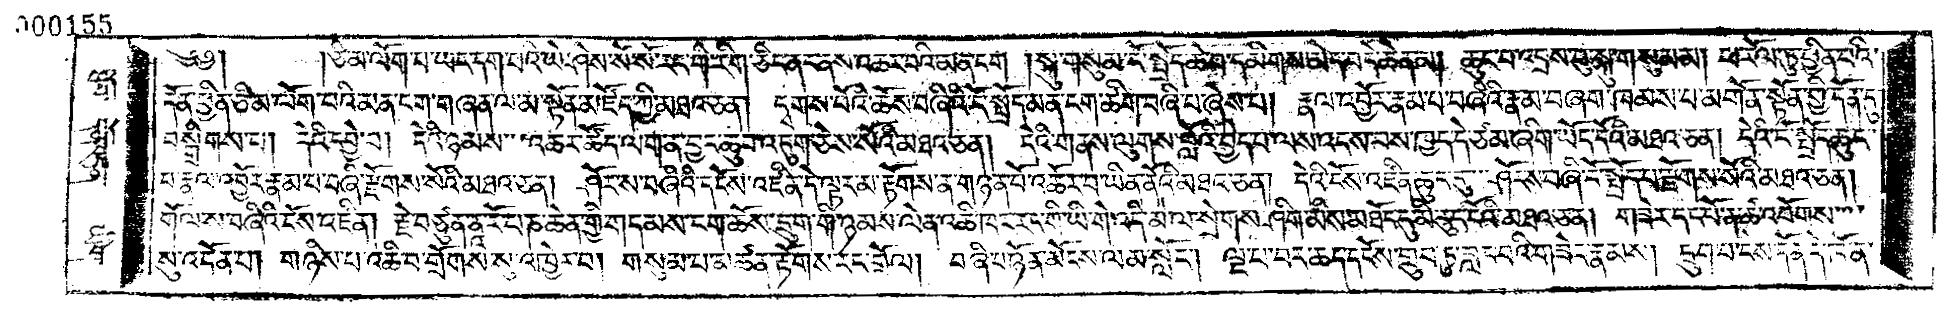༄༅། །ཅི་མ་ལོག་པ་ཡང་དག་པའི་ཡེ་ཤེས་སོ་སོ་རང་གི་རིག་ཅིང་ནང་ནས་འཆར་བའི་མན་ངག །སྐུ་གསུམ་ངོ་སྤྲོད་ཆེ་བ་དམིགས་མེད་བདེ་ཆེན་མ། ཆུང་བ་འབྲས་བུ་སྐུ་གསུམ་མ། ཕ་རོལ་ཏུ་ཕྱིན་པའི་
དོན་ཕྱིན་ཅི་མ་ལོག་པའི་མན་ངག་གཞན་ལ་མ་སྟོན་མཛོད་ཀྱི་མཐའ་ཅན། དྭགས་པོའི་ཆོས་བཞིའི་ངོ་སྤྲོད་མན་ངག་ཚིག་བཞི་པ་ཞེས་པ། རྣལ་འབྱོར་རྣམ་པ་བཞིའི་རྣམ་བཞག་ཁམས་པ་མགོན་སྟོན་གྱི་དོན་དུ་
བསྒྲིགས་པ། དེའི་དབྱེ་བ། དེའི་ཉམས་འཆར་ཚོད་ལག་ན་བྱང་ཆུབ་འདུག་ཅེས་སོའི་མཐའ་ཅན། དེའི་གནས་ལུགས་བློའི་བྱེད་པ་ལས་འདས་པས་ཁྱད་དེ་ཙམ་ཞིག་ཡོད་དོའི་མཐའ་ཅན། དེའི་ངོ་སྤྲོད་ཆུང་
པ་རྣལ་འབྱོར་རྣམ་པ་བཞི་རྫོགས་སོའི་མཐའ་ཅན། ཤོར་ས་བཞིའི་དངོས་འཛིན་དེ་ལྟར་མ་རྟོགས་ན་གཉན་པོ་འཆོར་བ་ཡིན་ནོའི་མཐའ་ཅན། དེའི་ངོས་འཛིན་ཆུང་ངུ་ཤོར་ས་བཞི་ངོ་སྤྲོད་པ་རྫོགས་སོའི་མཐའ་ཅན།
གོལ་ས་བཞིའི་ངོས་འཛིན། རྗེ་བཙུན་ནཱ་རོ་པཎ་ཆེན་གྱི་གདམས་ངག་ཆོས་དྲུག་གི་ཉམས་ལེན་འཆི་ཁར་རང་གི་ཡི་གེ་འདི་མེ་ལ་སྲེགས་ཤིག་མིས་མཐོང་དུ་མི་རུང་ངོའི་མཐའ་ཅན། གཟེར་དང་པོ་ན་ཚ་འབོགས་
སུ་འདོན་པ། གཉིས་པ་འཆི་བ་གྲོགས་སུ་འཁྱེར་བ། གསུམ་པ་མཚན་རྟོགས་རང་གྲོལ། བཞི་པ་ཉོན་མོངས་ལམ་སློང་། ལྔ་པ་བར་ཆད་དངོས་གྲུབ་ཏུ་བླང་བའི་གཟེར་རྣམས། དྲུག་པ་ངེས་དོན་དེ་ཁོ་ན་